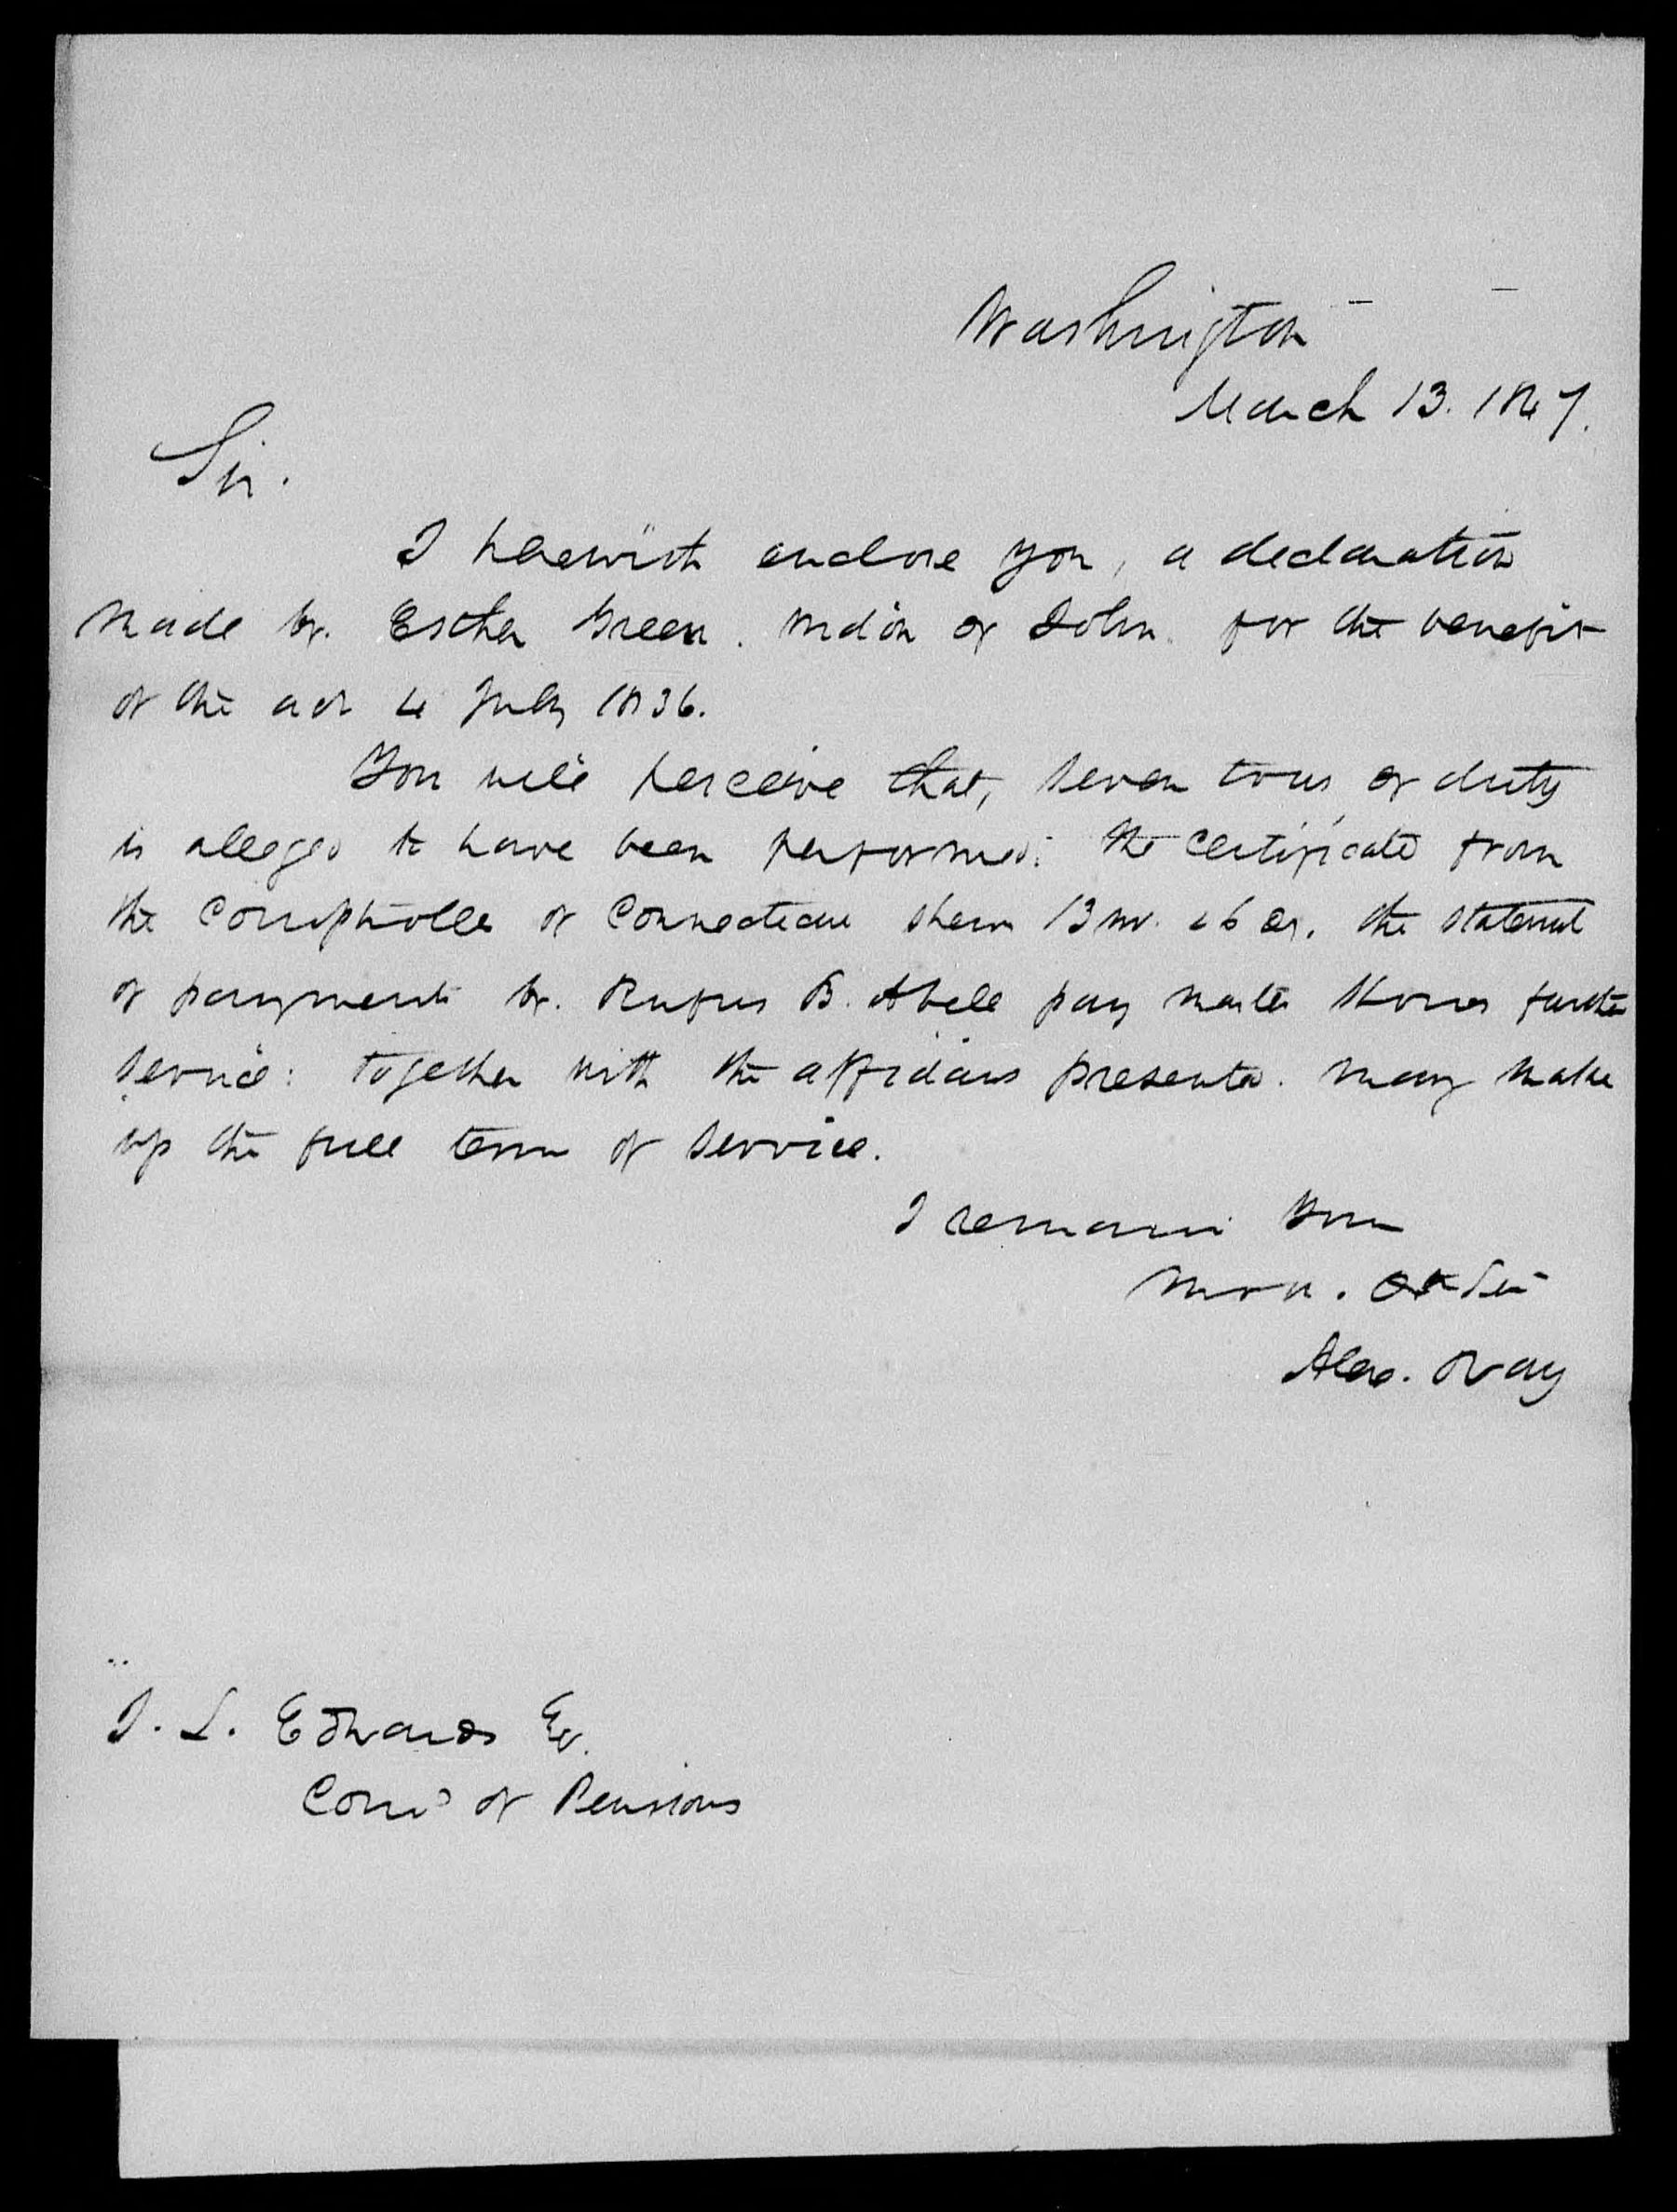Washington 
March 13. 1867
Sir:
I herewith enclose you a declaration made to Esther Green, widow of John, for the benefit of the Act 4 July 1836.
You will perceive that, seven tours of duty is alleged to have been performed. The certificate from the comptroller of Connecticut shows 13 mo, 26 days. the statement of payment to Rufus B. Abell pay master shows further
service: together with the affidavits presented may make up the full term of service. 
I remain ...
     ......    .......
     Alex.  Nay or Ray

T. L. Edwards Esq.
Comptroller of Pensions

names: Rufus B Abell, John, J L Edwards, Esther Green, Alex Ray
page: 38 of 40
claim: rejected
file: R. 4251, John Green, Conn.